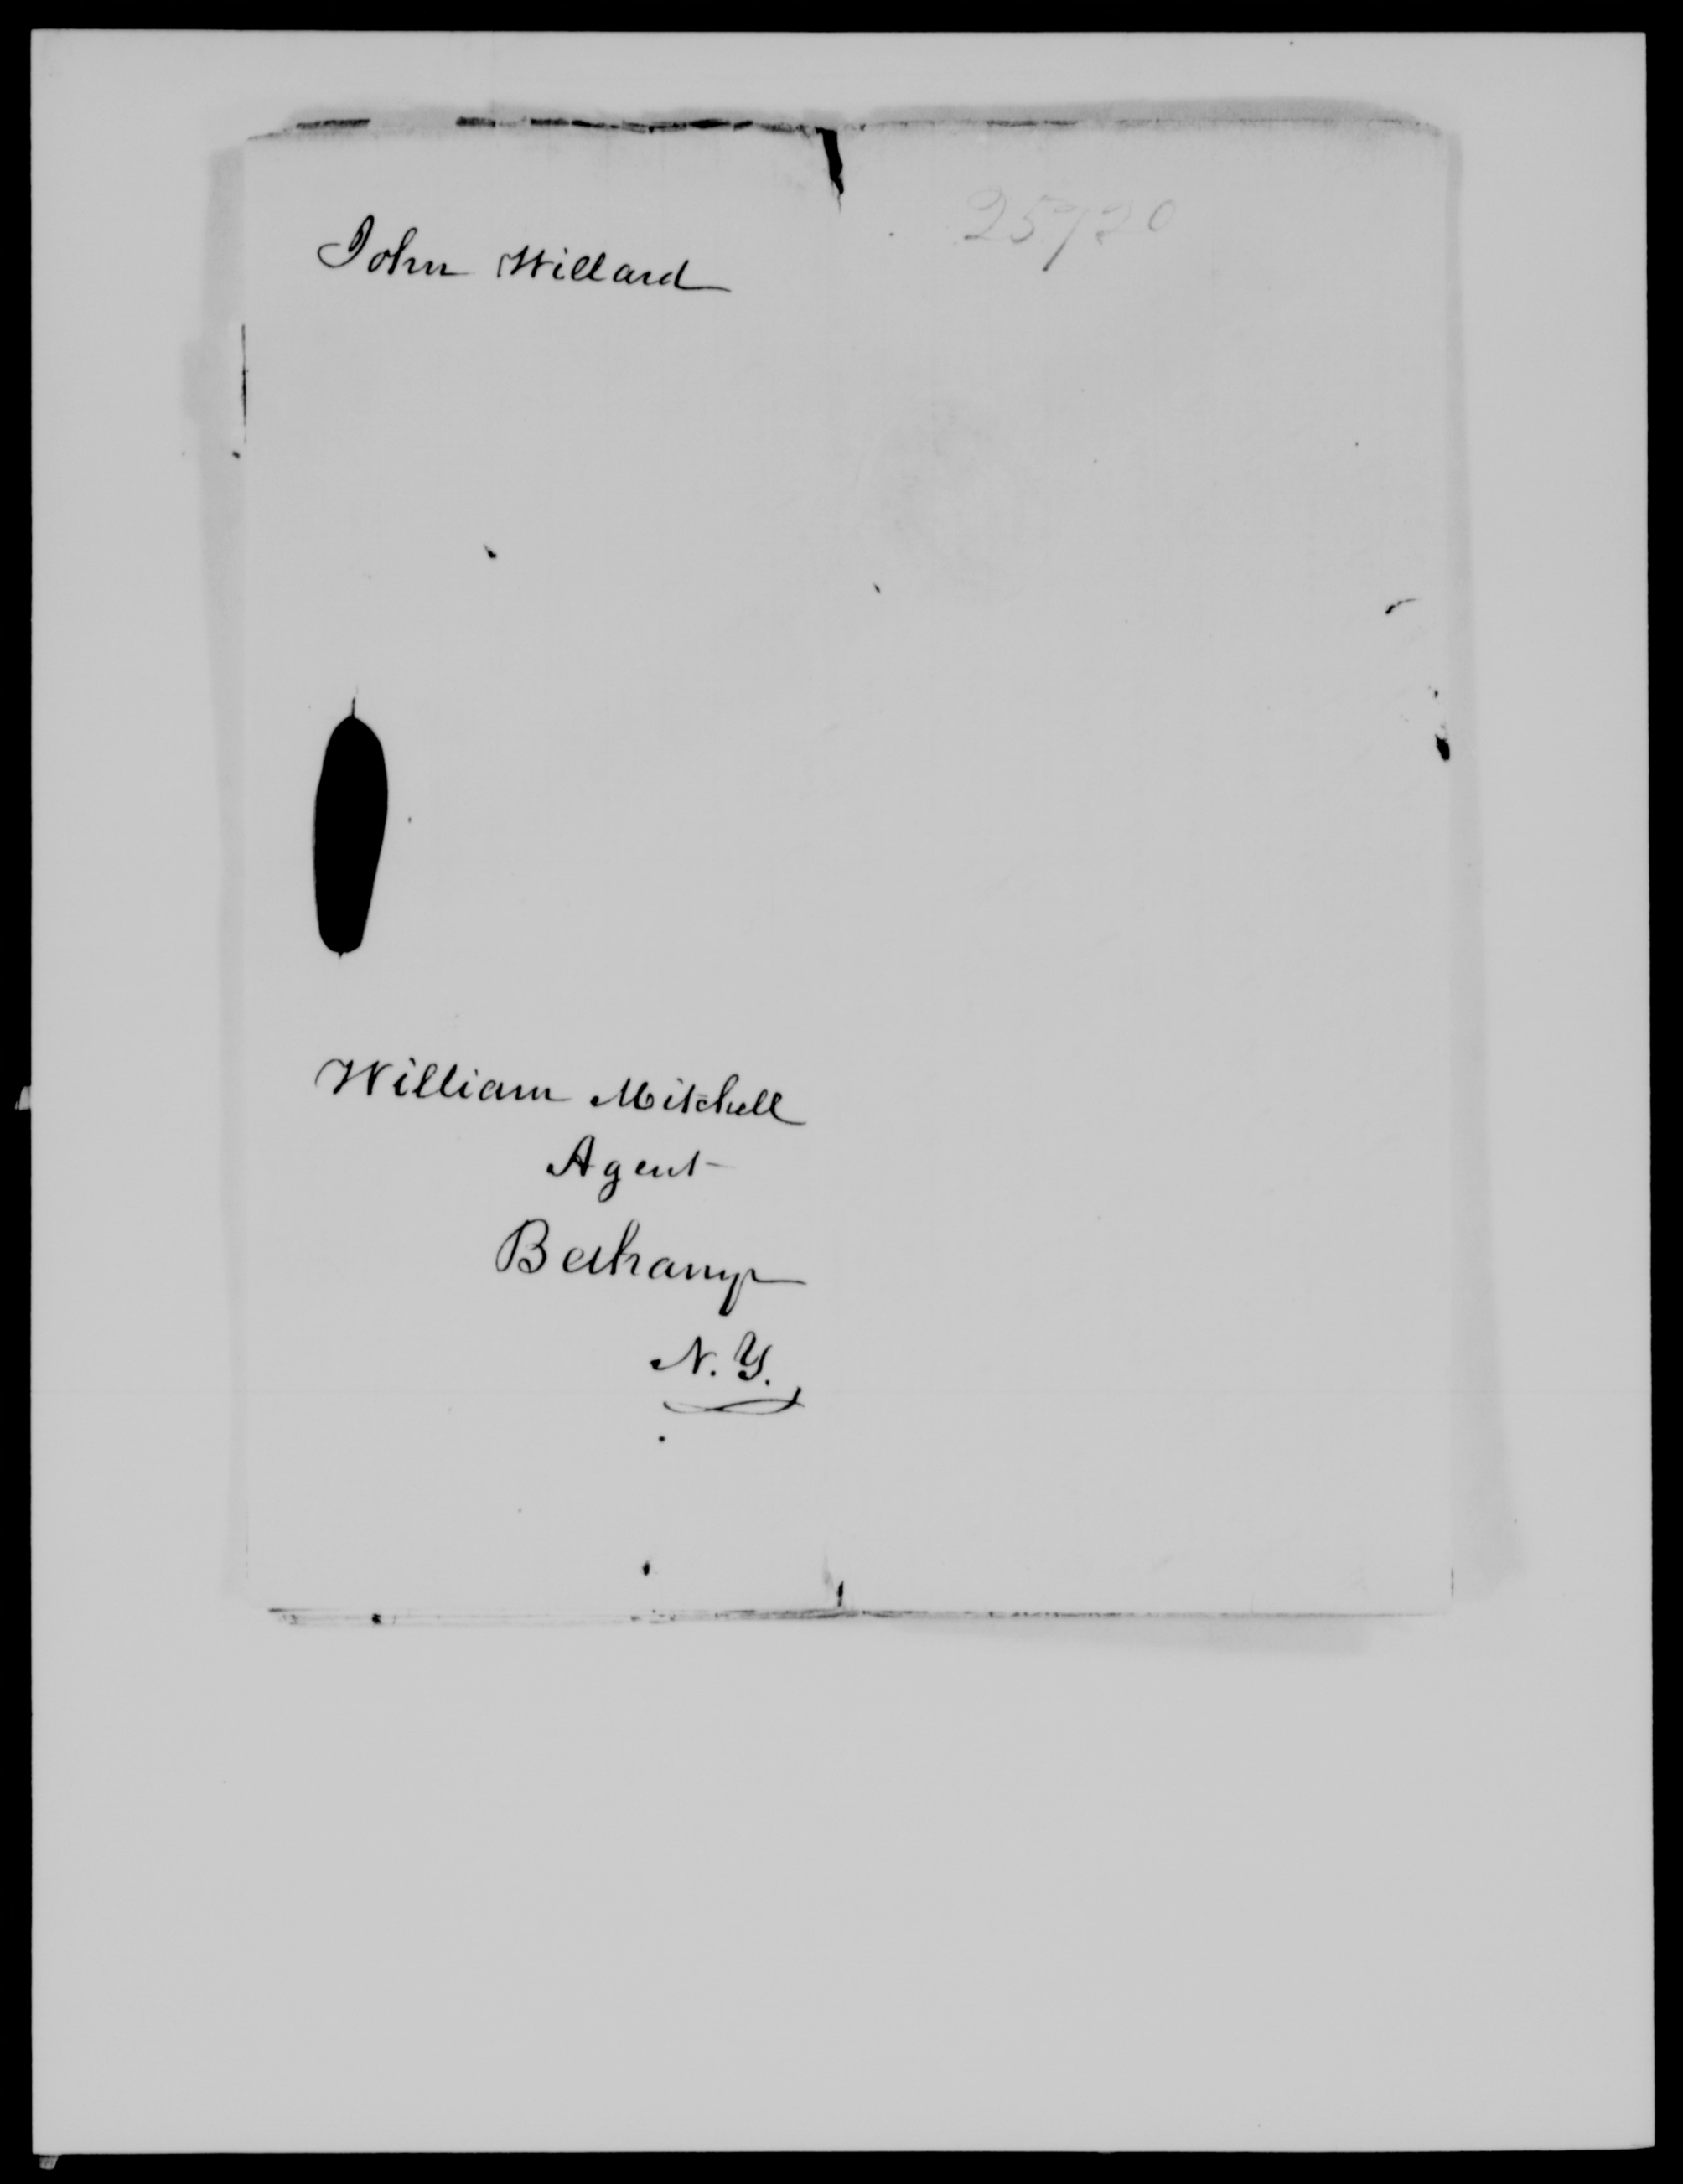John Willard

William Mitchell
Agent 
Bechange N.Y.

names: John Willard, William Mitchell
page: 14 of 18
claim: survivor's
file: S. 11848, John Willard, N. H.